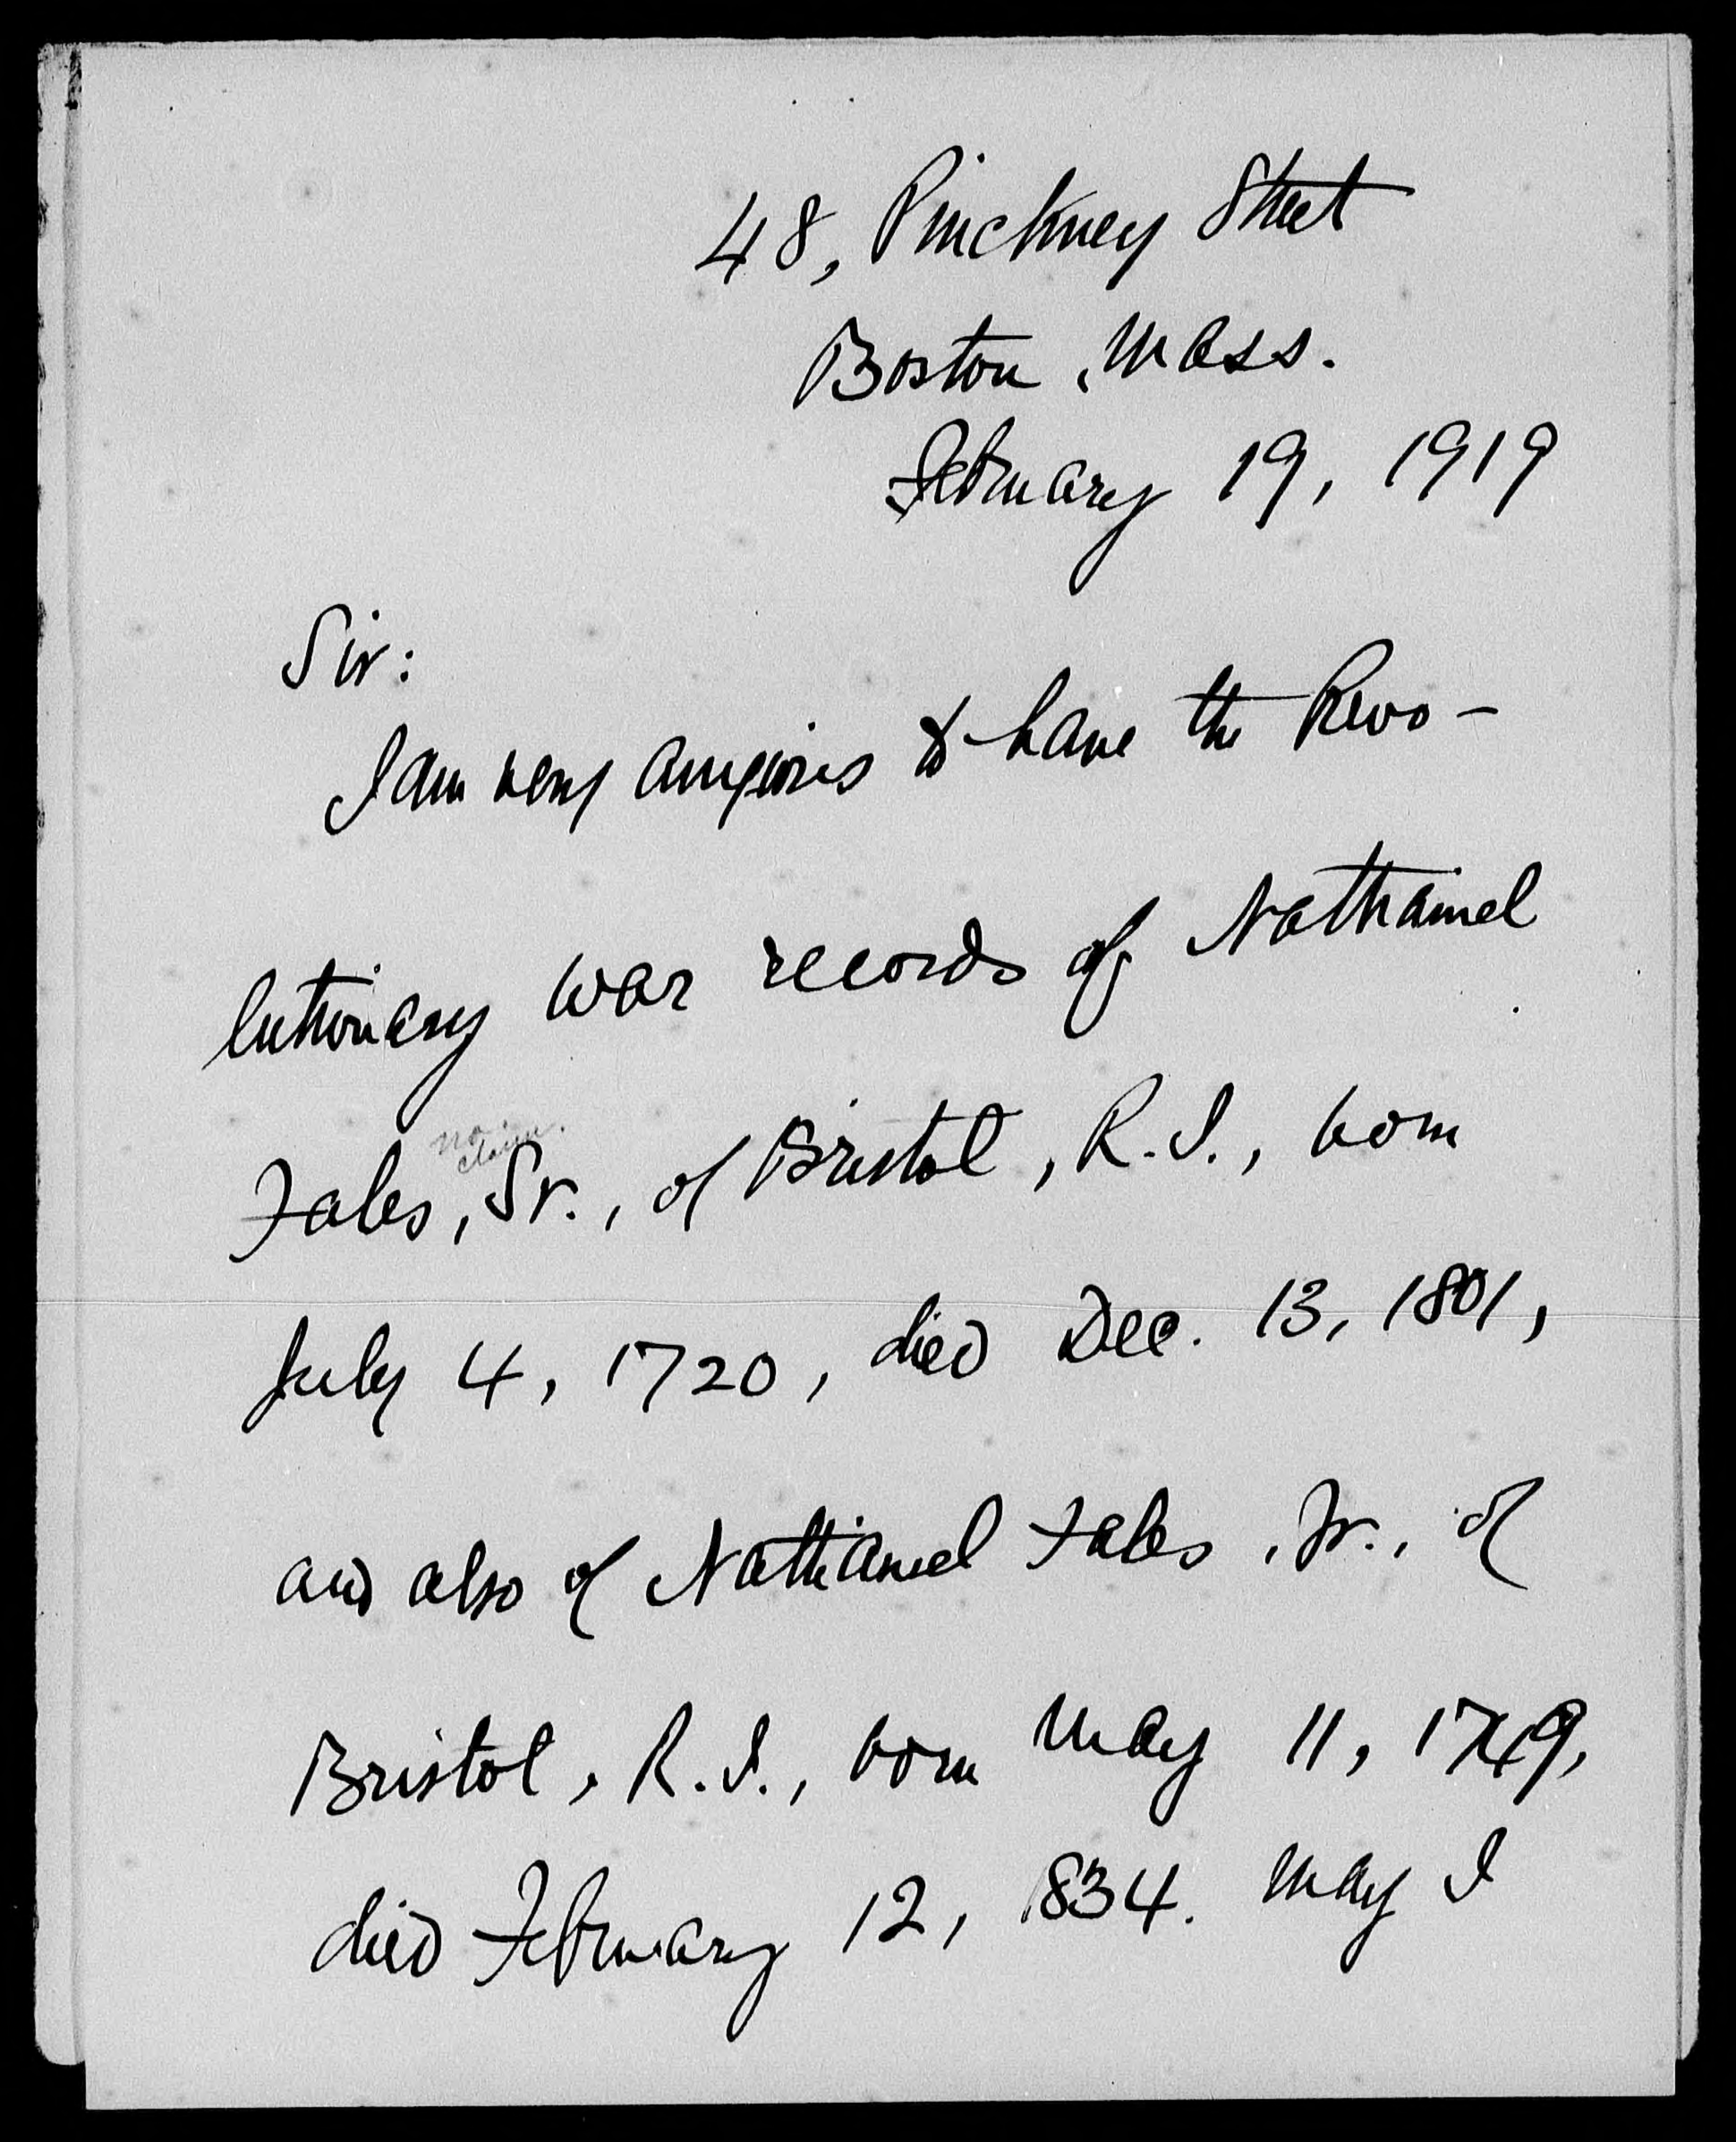48 Pinckney Street
Boston, Mass. 
February 19, 1919

Sir: 
I am very anxious to have the Revolutionary War records of Nathaniel Fales, Sr. of Bristol, R.I. born July 4, 1720, died Dec. 13, 1801, and also of Nathaniel Fales, Jr. of Bristol, R.I., born May 11, 1749 died February 12, 1834. May I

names: Nathaniel Fales, Nathaniel Fales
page: 28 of 32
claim: widow's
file: W. 24,173, Nathaniel Fales, R.I.